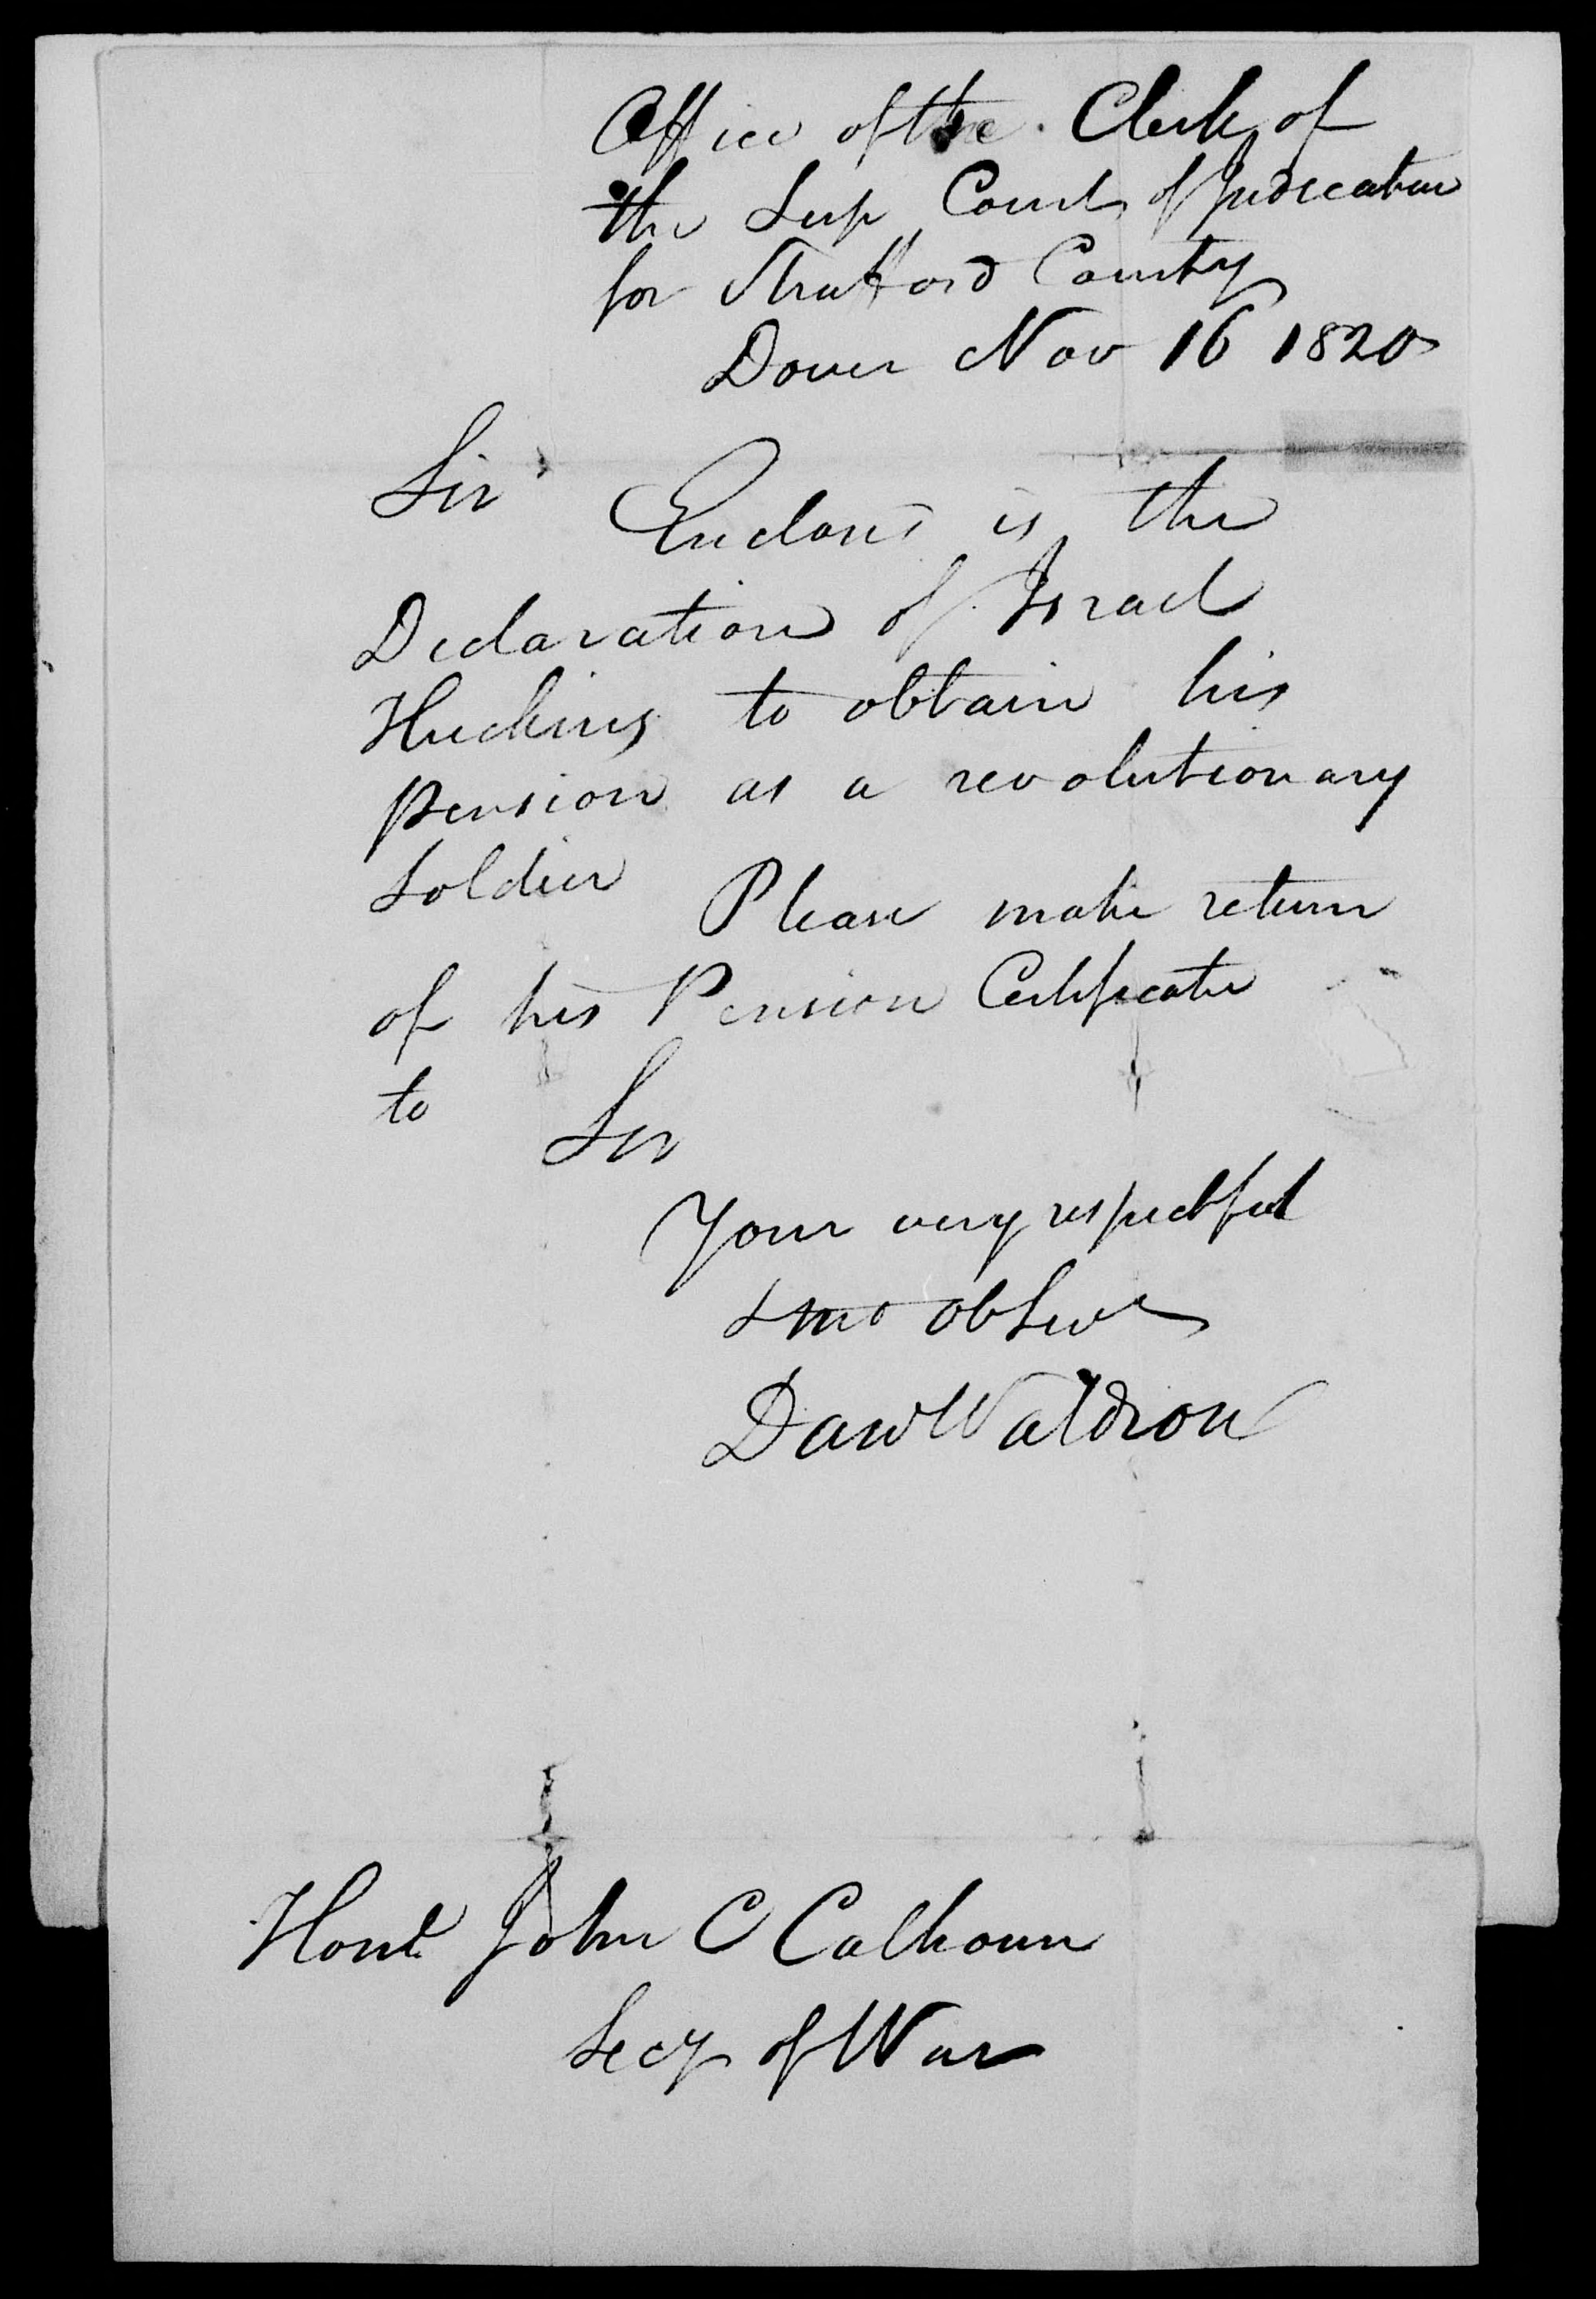Office of the Clerk of the Sup. Court of Judicature for Strafford County Dover Nov 16 1820

Sir, Enclosed is the Declaration of Israel Huckins to obtain his pension as a revolutionary soldier. Please make return of his Pension Certificate to Sir your very respectful and obt servant Daniel Waldron

Honorable John C. Calhoun Secretary of War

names: Danl Waldron, Israel Huckins, John C Calhoun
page: 29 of 35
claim: widow's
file: W. 16127, Israel Huckins, N.H.